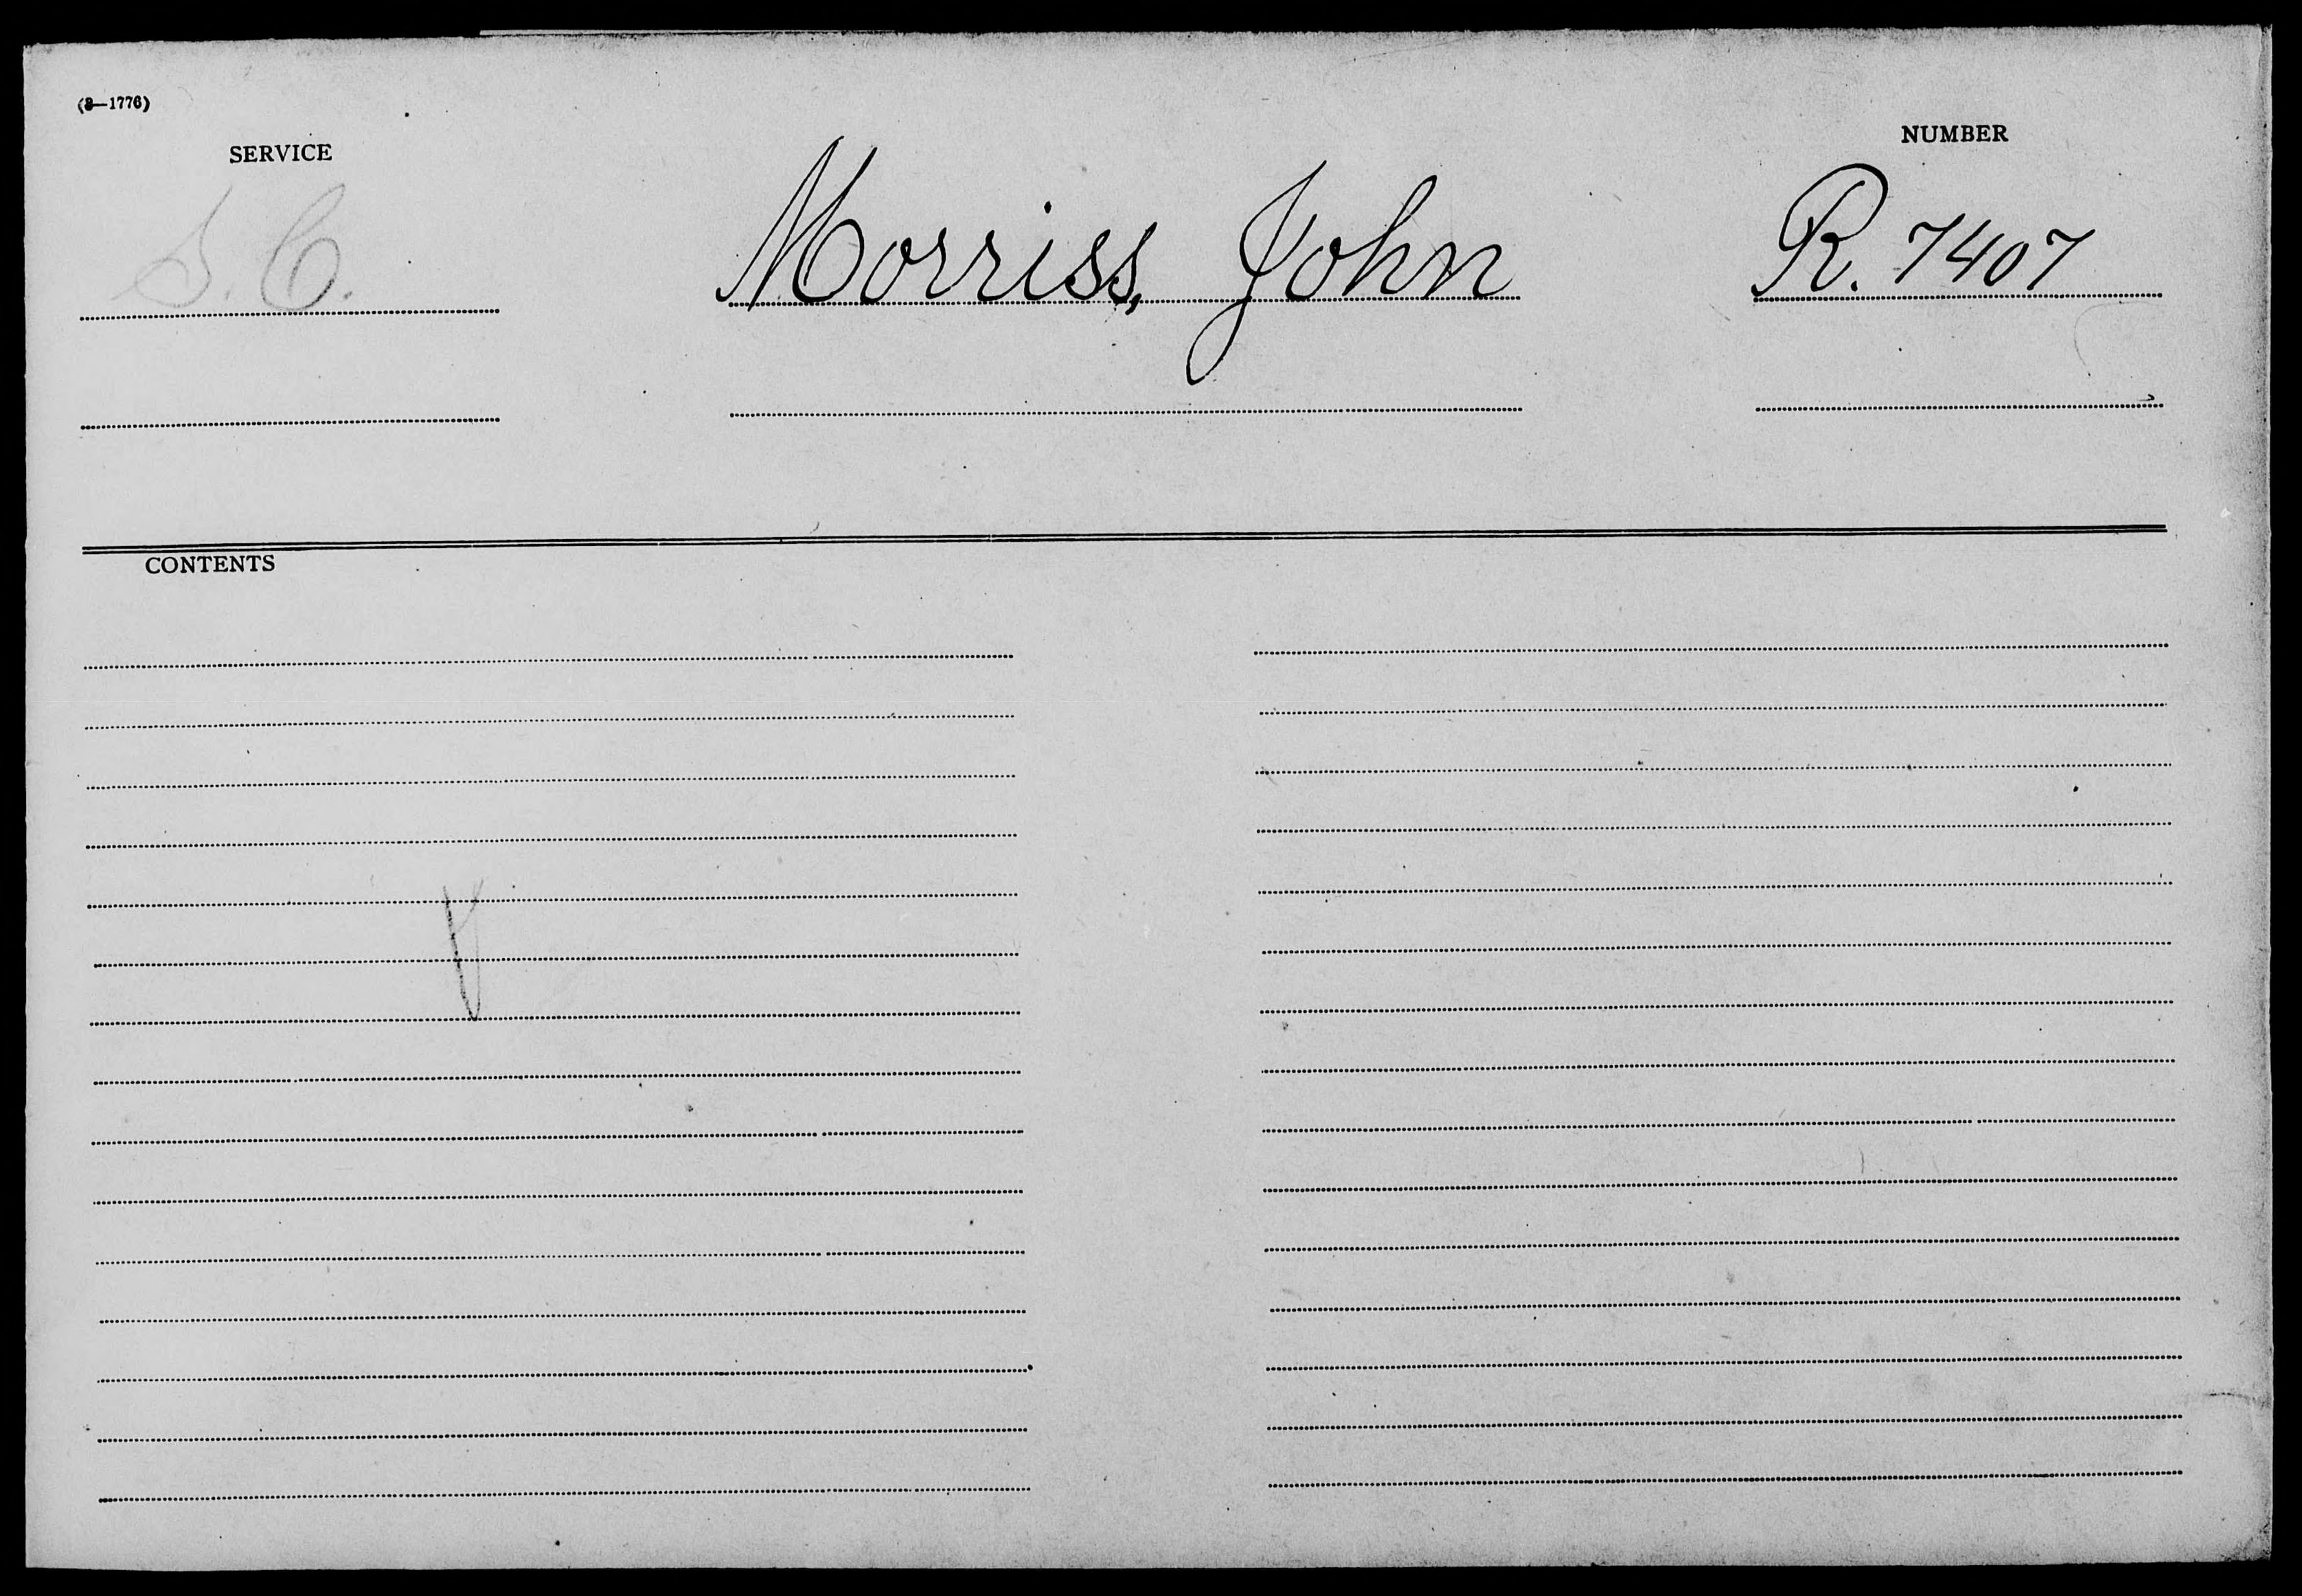( 3 - 1776 )

SERVICE
S. C

Morriss, John

NUMBER
R. 7407

CONTENTS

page: 1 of 20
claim: rejected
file: R. 7407, for John Morriss, South Carolina